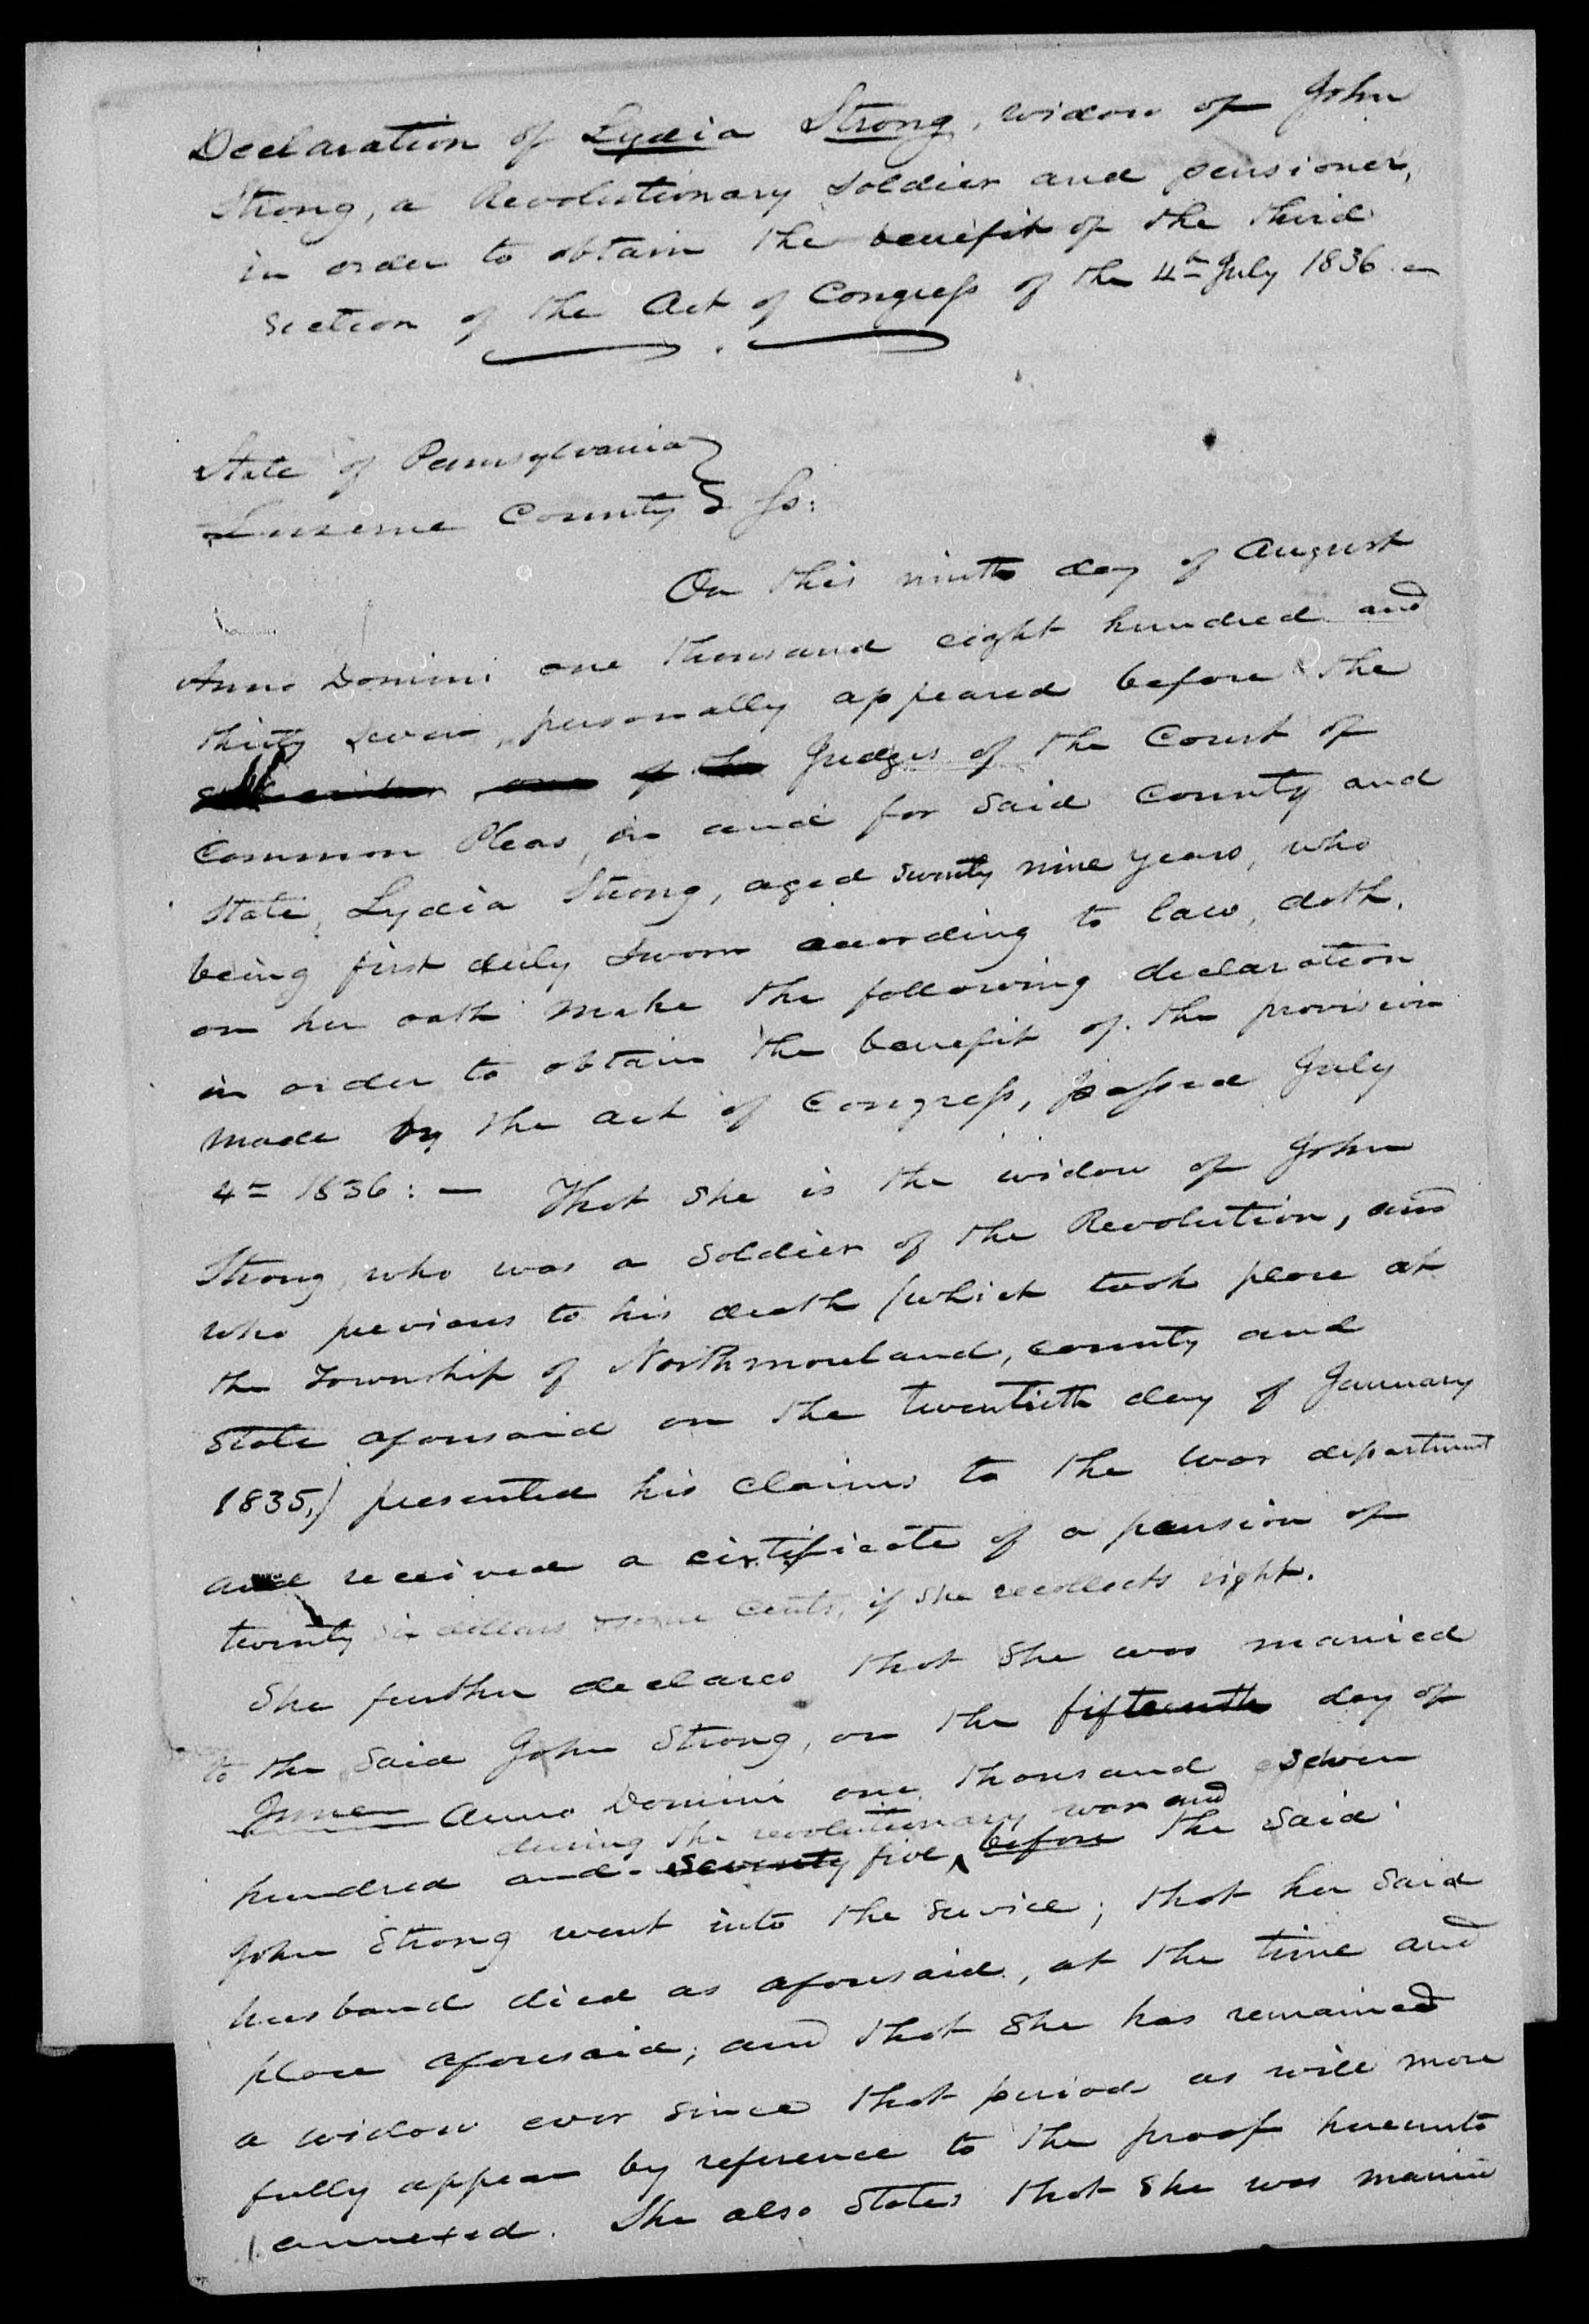Declaration of Lydia Strong, widow of John Strong, a Revolutionary soldier and pensioner, in order to obtain the benefit of the [illegible] section of the Act of Congress of the 4th July 1836.

State of Pennsylvania
Luzerne County}  Ss: 

On the ninth day of August Anno Domini one thousand eight hundred and thirty seven personally appeared before the [crossed out text] Judge of the Court of Common Pleas in and for said County and State. Lydia Strong, aged seventy nine years, who being first duly sworn according to law, doth on her oath make the following declaration in order to obtain the benefit of the provision made by the act of Congress, passed July 4th 1836: – That she is the widow of John Strong, who was a soldier of the Revolution, and who previous to his death (which took place at the Township of Northmoreland and County and State aforesaid on the twentieth day of January 1835,) presented his claims to the war department and received a certificate of a pension of twenty six dollars some cents, if she recollects right. 

She further declared that she was married to the said John Strong, on the fifteenth day of June. Anno Domini one thousand seven hundred and seventy five [begin inserted text] during the revolutionary war and [end inserted text] before the said John Strong went into the service; that her said husband died as aforesaid, at the time and place aforesaid; and that she has remained a widow ever since that period, as will more fully appear by reference to the proof hereunto annexed. She also states that she was married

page: 6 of 33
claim: widow's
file: W. 4592, for John Strong, New York